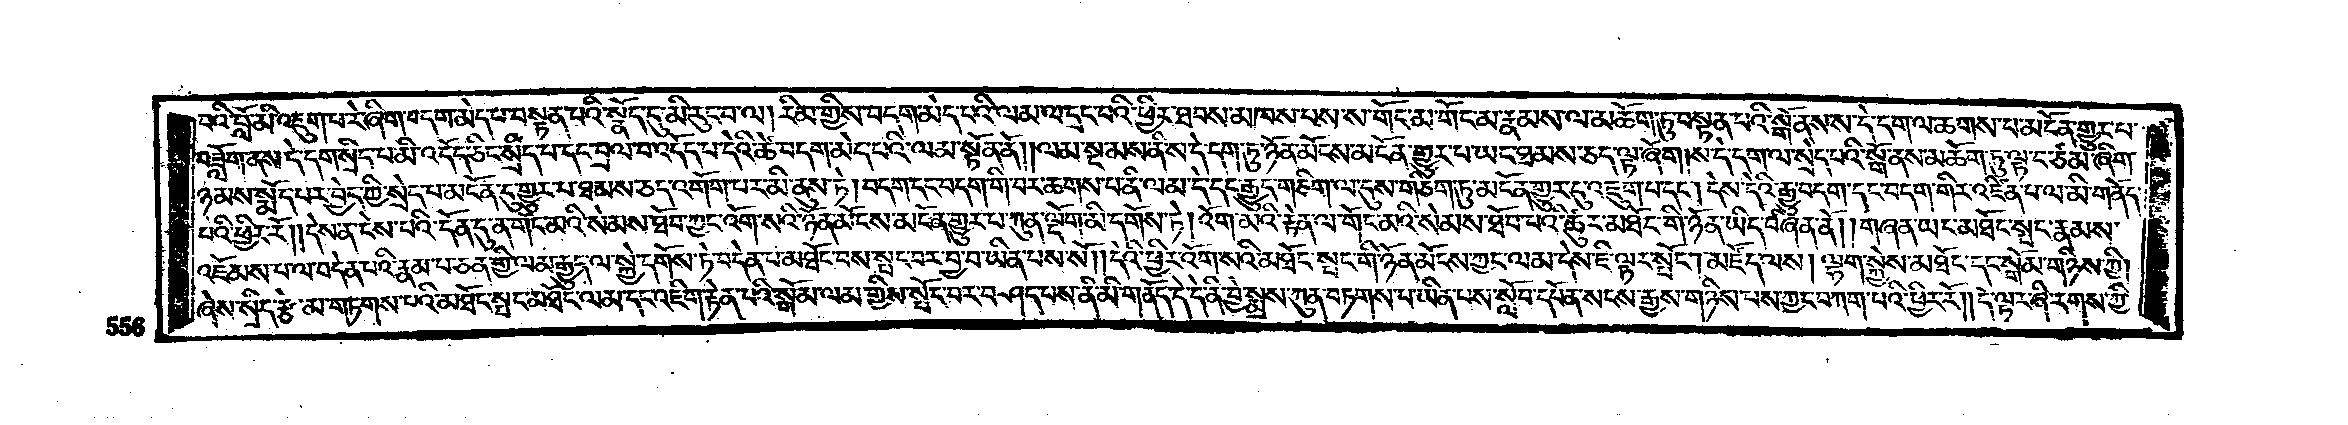བའི་བློ་མི་འཇུག་པ་རེ་ཞིག་བདག་མེད་པ་བསྟན་པའི་སྣོད་དུ་མི་རུང་བ་ལ། རིམ་གྱིས་བདག་མེད་པའི་ལམ་ལ་དྲང་བའི་ཕྱིར་ཐབས་མཁས་པས་ས་གོང་མ་གོང་མ་རྣམས་ལ་མཆོག་ཏུ་བསྟན་པའི་སྒོ་ནས་ས་དེ་དག་ལ་ཆགས་པ་མངོན་གྱུར་པ་
བཟློག་ནས་དེ་དག་སྲིད་པ་མི་འདོད་ཅིང་སྲིད་པ་དང་བྲལ་བ་འདོད་པ་དེའི་ཚེ་བདག་མེད་པའི་ལམ་སྟོན་ནོ། །ལམ་སྔ་མས་ནི་ས་དེ་དག་ཏུ་ཉོན་མོངས་མངོན་གྱུར་པ་ཡང་ཐམས་ཅད་ལྟ་ཞོག །ས་དེ་དག་ལ་སྲེད་པའི་སྒོ་ནས་མཆོག་ཏུ་ལྟ་བ་ཙམ་ཞིག་
ཉམས་སྨོད་པར་བྱེད་ཀྱི་སྲེད་པ་མངོན་དུ་གྱུར་པ་ཐམས་ཅད་འགོག་པར་མི་ནུས་ཏེ། བདག་དང་བདག་གི་བར་ཆགས་པ་ནི་ལམ་དེ་དང་རྒྱུད་གཅིག་ལ་དུས་གཅིག་ཏུ་མངོན་གྱུར་དུ་འཇུག་པ་དང་། དེས་དེའི་རྒྱུ་བདག་དང་བདག་གིར་འཛིན་པ་ལ་མི་གནོད་
པའི་ཕྱིར་རོ། །དེས་ན་ངེས་པའི་དོན་དུ་ན་གོང་མའི་སེམས་ཐོབ་ཀྱང་འོག་སའི་ཉོན་མོངས་མངོན་གྱུར་པ་ཀུན་ལྡོག་མི་དགོས་ཏེ། འོག་མའི་རྟེན་ལ་གཏོང་མའི་སེམས་ཐོབ་པའི་ཚུར་མཐོང་གི་ཉོན་ཡིད་བཞིན་ནོ། །གཞན་ཡང་མཐོང་སྤང་རྣམས་
འཛོམས་པ་ལ་བདེན་པའི་རྣམ་པ་ཅན་གྱི་ལམ་རྒྱུད་ལ་སྐྱེ་དགོས་ཏེ་བདེན་པ་མཐོང་བས་སྤང་བར་བྱ་བ་ཡིན་པས་སོ། །དེའི་ཕྱིར་འོག་སའི་མཐོང་སྤང་གི་ཉོན་མོངས་ཀྱང་ལམ་དེས་ཇི་ལྟར་སྤོང་། མཛོད་ལས། ལྷག་སྐྱེས་མཐོང་དང་སྒོམ་གཉིས་ཀྱི།
ཞེས་སྲིད་རྩེ་མ་གཏོགས་པའི་མཐོང་སྤང་མཐོང་ལམ་དང་འཇིག་རྟེན་པའི་སྒོམ་ལམ་གྱིས་སྤོང་བར་བཤད་པས་ནི་མི་གནོད་ད་དེ་ནི་བྱེ་སྨྲས་ཀུན་བཏགས་པ་ཡིན་པས་སློབ་དཔོན་སངས་རྒྱས་གཉིས་པས་ཀྱང་བཀག་པའི་ཕྱིར་རོ། །དེ་ལྟར་ཞི་རགས་ཀྱི་